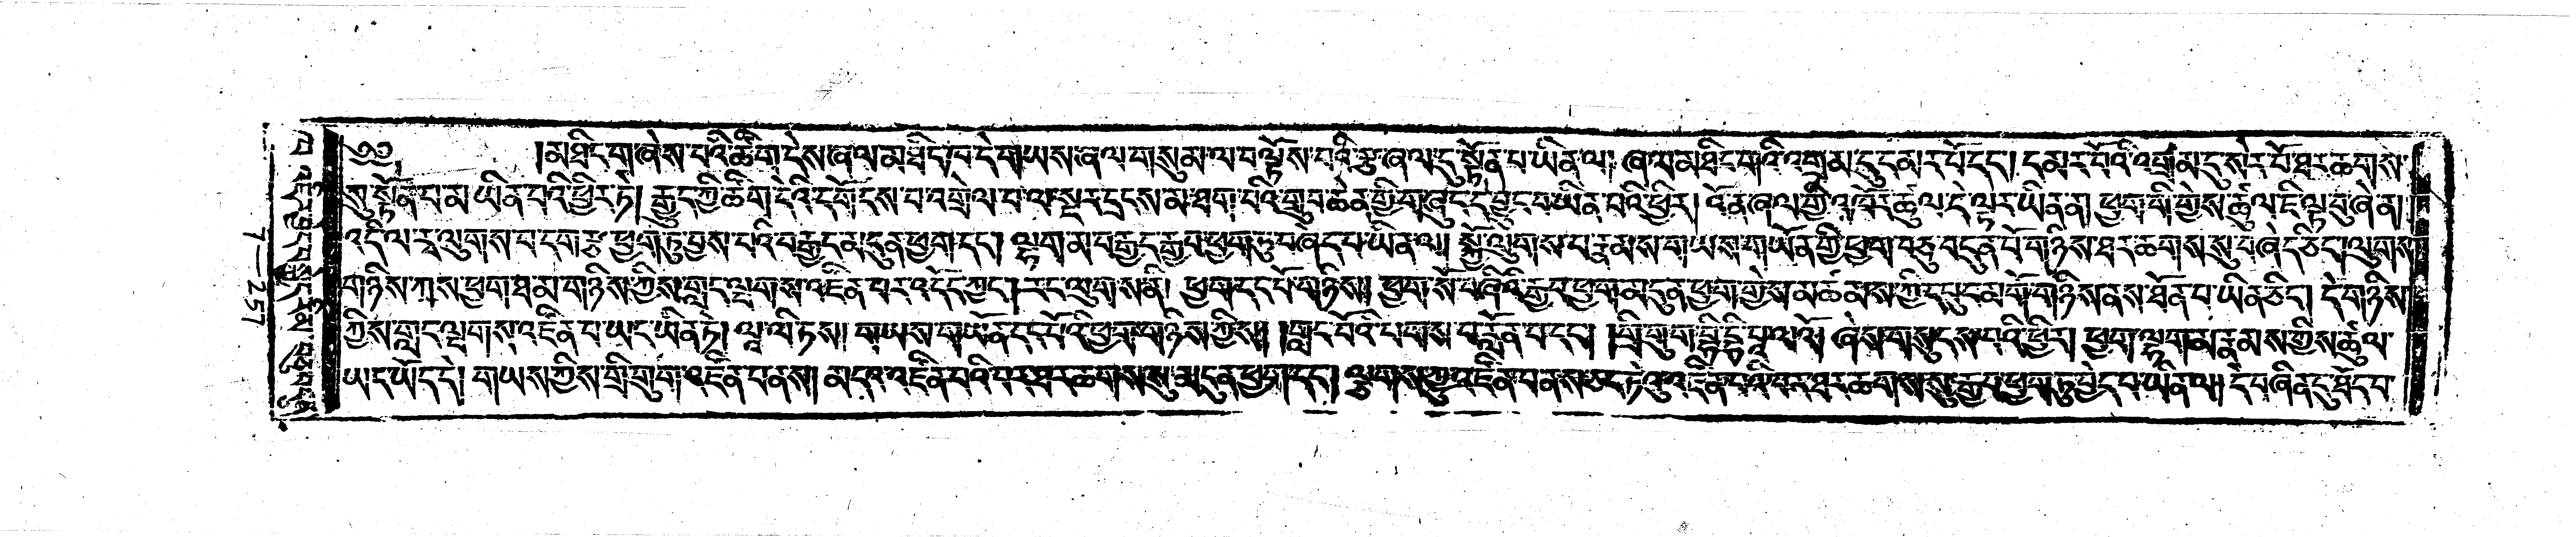༄༅། །མཐིང་ག་ཞེས་པའི་ཚིག་དེས་ཞལ་མཐིང་ཁ་དེ་གཡས་ཞལ་གསུམ་ལ་བལྟོས་པའི་རྩ་ཞལ་དུ་སྟོན་པ་ཡིན་ལ། ཞལ་མཐིང་གའི་འགྲམ་དུ་དམར་པོ་དང་། དམར་པོའི་འགྲམ་དུ་སེར་པོ་ཐར་ཆགས་
སུ་སྟོན་པ་མ་ཡིན་པའི་ཕྱིར་ཏེ། རྒྱུད་ཀྱི་ཚིག་དེའི་དགོངས་པ་འགྲེལ་པ་ལ་སྔར་དྲངས་མ་ཐག་པའི་གྲུབ་ཆེན་གྱི་གཞུང་དེ་བྱུང་བ་ཡིན་པའི་ཕྱིར། འོ་ན་ཞལ་གྱི་འཁོར་ཚུལ་དེ་ལྷར་ཡིན་ན། ཕྱག་གི་གྱེས་ཚུལ་ཇི་ལྟ་བུ་ཞེ་ན།
འདི་ལ་རྭ་ལུགས་པ་དག་རྩ་ཕྱག་ཏུ་བྱས་པའི་བརྒྱད་མདུན་ཕྱག་དང་། ལྷག་མ་བརྒྱད་རྒྱབ་ཕྱག་ཏུ་བཞེད་པ་ཡིན་ལ། སྐྱོ་ལུགས་པ་རྣམས་གཡས་གཡོན་གྱི་ཕྱག་བཅུ་བདུན་པོ་གཉིས་ཐར་ཆགས་སུ་བཞེད་ཅིང་། ལུགས་
གཉིས་ཀས་ཕྱག་ཐ་མ་གཉིས་ཀྱིས་གླང་ལྤགས་འཛིན་པར་འདོད་ཀྱང་། རང་ལུགས་ནི། ཕྱག་དང་པོ་གཉིས། ཕྱག་སོ་བཞིའི་རྒྱབ་ཕྱག་མདུན་ཕྱག་གྱིས་མཚམས་ཀྱི་དཔུང་མགོ་གཉིས་ནས་ཐོན་པ་ཡིན་ཅིང་། དེ་གཉིས་
ཀྱིས་གླང་ལྤགས་འཛིན་པ་ཡང་ཡིན་ཏེ། ལཱ་ལི་ཏས། གཡས་གཡོན་དང་པོའི་ཕྱག་གཉིས་ཀྱིས། །གླང་པོའི་པགས་པ་རློན་པ་དང་། །གྲི་གུག་བྷི་དྷི་པཱ་ལའོ། ཞེས་གསུངས་པའི་ཕྱིར། ཕྱག་ལྷག་མ་རྣམས་ཀྱིས་ཚུལ་
ཡང་ཡོད་དེ། གཡས་ཀྱིས་གྲི་གུག་འཛིན་པ་ནས། མདའ་འཛིན་པའི་བར་ཐར་ཆགས་སུ་མདུན་ཕྱག་དང་། ལྕགས་ཀྱུ་འཛིན་པ་ནས་ཅང་ཏེའུ་འཛིན་པའི་བར་ཐར་ཆགས་སུ་རྒྱབ་ཕྱག་ཏུ་བྱེད་པ་ཡིན་ལ། དེ་བཞིན་དུ་ཐོང་བ་